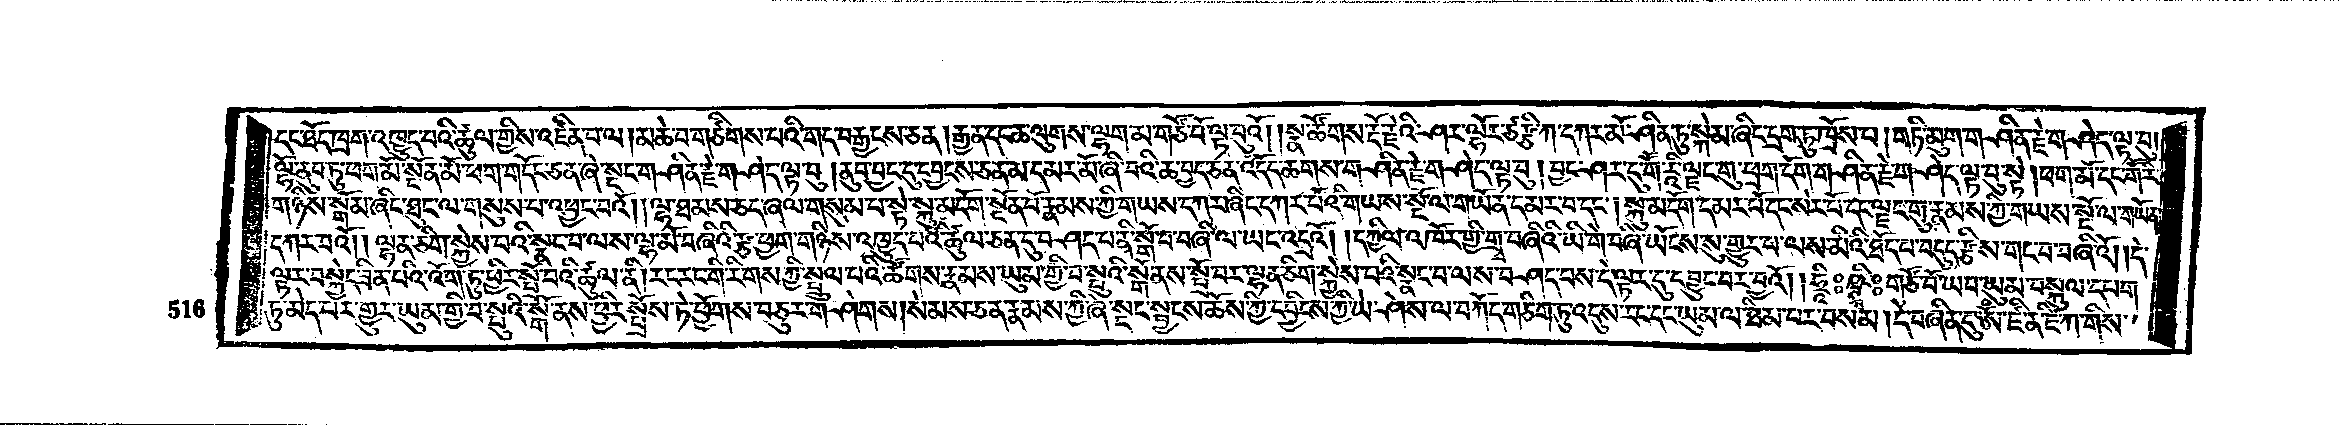དང་ཐོད་ཁྲག་འཁྱུད་པའི་ཚུལ་གྱིས་འཛིན་པ་ལ། མཆེ་བ་གཙིགས་པའི་གད་བརྒྱངས་ཅན། རྒྱན་དང་ཆ་ལུགས་ལྷག་མ་གཙོ་བོ་ལྟ་བུའོ། །སྣ་ཚོགས་རྡོ་རྗེའི་ཤར་ལྷོར་ཙ་རྩི་ཀ་དཀར་མོ་ཤིན་ཏུ་སྐེམ་ཞིང་དྲག་ཏུ་ཁྲོས་པ། གཏི་མུག་གཤིན་རྗེ་གཤེད་ལྟ་བུ།
ལྷོ་ནུབ་ཏུ་ཕག་མོ་སྔོན་མོ་ཕག་གདོང་ཅན་ཞེ་སྡང་གཤིན་རྗེ་གཤེད་ལྟ་བུ། ནུབ་བྱང་དུ་དབྱངས་ཅན་མ་དམར་མོ་ཞི་བའི་ཆ་བྱད་ཅན་འདོད་ཆགས་གཤིན་རྗེ་གཤེད་ལྟ་བུ། བྱང་ཤར་དུ་གཽ་རཱི་ལྗང་གུ་ཕྲག་དོག་གཤིན་རྗེ་གཤེད་ལྟ་བུ་སྟེ། ཕག་མོ་དང་གཽ་རི་
གཉིས་སྤོམ་ཞིང་ཐུང་ལ་གསུས་པ་འཕྱང་བའོ། །ལྷ་ཐམས་ཅད་ཞལ་གསུམ་པ་སྟེ་སྐུ་མདོག་སྔོན་པོ་རྣམས་ཀྱི་གཡས་དཀར་ཞིང་དཀར་པོའི་གཡས་སྔོ་ལ་གཡོན་དམར་བ་དང་། སྐུ་མདོག་དམར་པོ་དང་སེར་པོ་དང་ལྗང་གུ་རྣམས་ཀྱི་གཡས་སྔོ་ལ་གཡོན་
དཀར་བའོ། །ལྷན་ཅིག་སྐྱེས་པའི་སྣང་བ་ལས་ལྷ་མོ་བཞིའི་རྩ་ཕྱག་གཉིས་འཁྱུད་པའི་ཚུལ་ཅན་དུ་བཤད་པ་ནི་སྒོ་བ་བཞི་ལ་ཡང་འདྲའོ། །དཀྱིལ་འཁོར་གྱི་གྲྭ་བཞིའི་ཡི་གེ་བཞི་ཡོངས་སུ་གྱུར་པ་ལས་མིའི་ཐོད་པ་བདུད་རྩིས་གང་བ་ཞིའོ། །དེ་
ལྟར་བསྐྱེད་ཟིན་པའི་འོག་ཏུ་ཕྱིར་སྤྲོ་བའི་ཚུལ་ནི། རང་རང་གི་རིགས་ཀྱི་སྤྲུལ་པའི་ཚོགས་རྣམས་ཡུམ་གྱི་བ་སྤུའི་སྒོ་ནས་སྤྲོ་བར་ལྷན་ཅིག་སྐྱེས་པའི་སྣང་བ་ལས་བཤད་པས་དེ་ལྟར་དུ་དབྱུང་བར་བྱའོ། །ཧྲཱིཿ ཥྚྲཱིཿ གཙོ་བོ་ཡབ་ཡུམ་བསྐུལ་དཔག་
ཏུ་མེད་པར་གྱུར་ཡུམ་གྱི་བ་སྤུའི་སྒོ་ནས་ཕྱིར་སྤྲོས་ཏེ་ཕྱོགས་བཅུར་གཤེགས། སེམས་ཅན་རྣམས་ཀྱི་ཞེ་སྡང་སྦྱངས་ཆོས་ཀྱི་དབྱིངས་ཀྱི་ཡེ་ཤེས་ལ་བཀོད་གཅིག་ཏུ་འདུས་རང་དང་ཡུམ་ལ་ཐིམ་པར་བསམ། དེ་བཞིན་དུ་ཨོཾ་ཛི་ན་ཛི་ཀ་གིས་